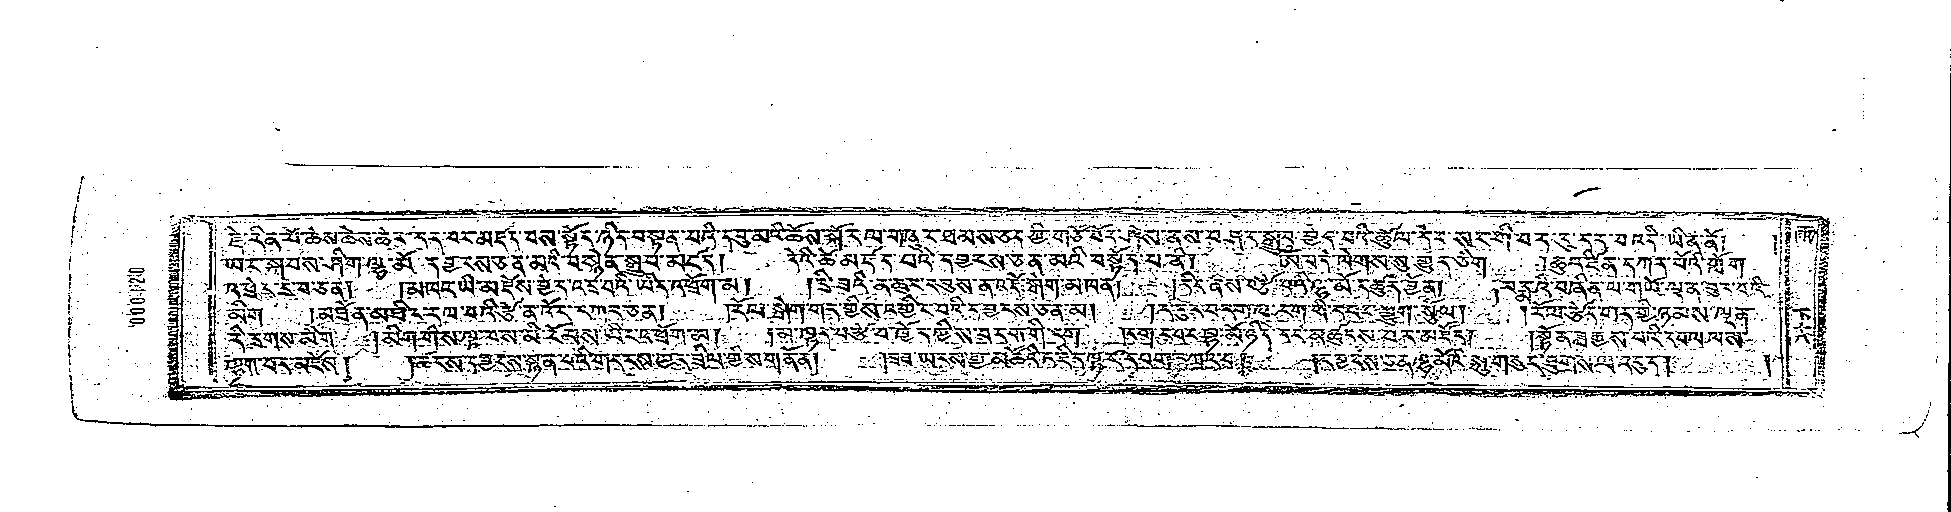རྗེ་རིན་པོ་ཆེས་ཆེས་ཆེར་དད་བང་མཛད་བས་སྟོང་ཉིད་བསྟན་པའི་དབུ་མའི་ཆོས་སྐོར་ལ་གཞུང་ཐམས་ཅད་ཀྱི་གཙོ་བོར་ཤེས་ནས་བཤད་སྒྲུབ་བྱེད་པའི་ཚུལ་དེང་སང་གི་བར་དུ་དར་བ་འདི་ཡིན་ནོ། །
ཡང་སྐབས་ཤིག་ལྷ་མོ་དབྱངས་ཅན་མའི་བསྙེན་སྒྲུབ་མཛད། དེའི་ཚེ་མཛད་པའི་དབྱངས་ཅན་མའི་བསྟོད་པ་ནི། ཨོཾ་བདེ་ལེགས་སུ་གྱུར་ཅིག །ཆུ་འཛིན་དཀར་པོའི་གློག་
འཕྲེང་དྲ་བ་ཅན། །མཁའ་ཡི་མཛོས་བྱེད་འདྲ་བའི་ཡིད་འཕྲོག་མ། །དྲི་ཟའི་ན་ཆུང་དབུས་ན་འཇོ་སྒེག་མཁན། །རིང་ནས་བརྩེ་བའི་ལྷ་མོ་ད་ཚུར་བྱོན། །པདམའི་བཞིན་ལ་གཡོ་ལྡན་བུ་ང་བའི་
མིག །མཐོན་མཐིང་རལ་པའི་རྩེ་ན་འོད་དཀར་ཅན། །རོལ་སྒེག་གར་གྱིས་འགྱིང་བའི་དབྱངས་ཅན་མ། །ད་རུང་བདག་ལ་ངག་གི་དབང་ཕྱུག་སྩོལ། །རོལ་རྩེད་གར་གྱི་ཉམས་ལྡན་
རི་དྭགས་མིག །མིག་གིས་ལྟ་བས་མི་ངོམས་ཡིད་འཕྲོག་མ། །མ་ལྟད་བརྩེ་བ་ཁྱོད་ཀྱིས་བདག་གི་ངག །ངག་དབང་ལྷ་མོ་ཉིད་དང་མཚུངས་བར་མཛོད། །སྟོན་ཟླ་རྒྱས་པའི་དཔལ་ལས་
ལྷག་པར་མཛེས། །ཚངས་དབྱངས་སྙན་པའི་གདངས་ཀྱང་ཟིལ་གྱིས་གནོན། །ཟབ་ཡངས་རྒྱ་མཚོའི་འཇིང་ལྟར་དཔག་དཀའ་བ། །དབྱངས་ཅན་ལྷ་མོའི་སྐུ་གསུང་ཐུགས་ལ་འདུད། །